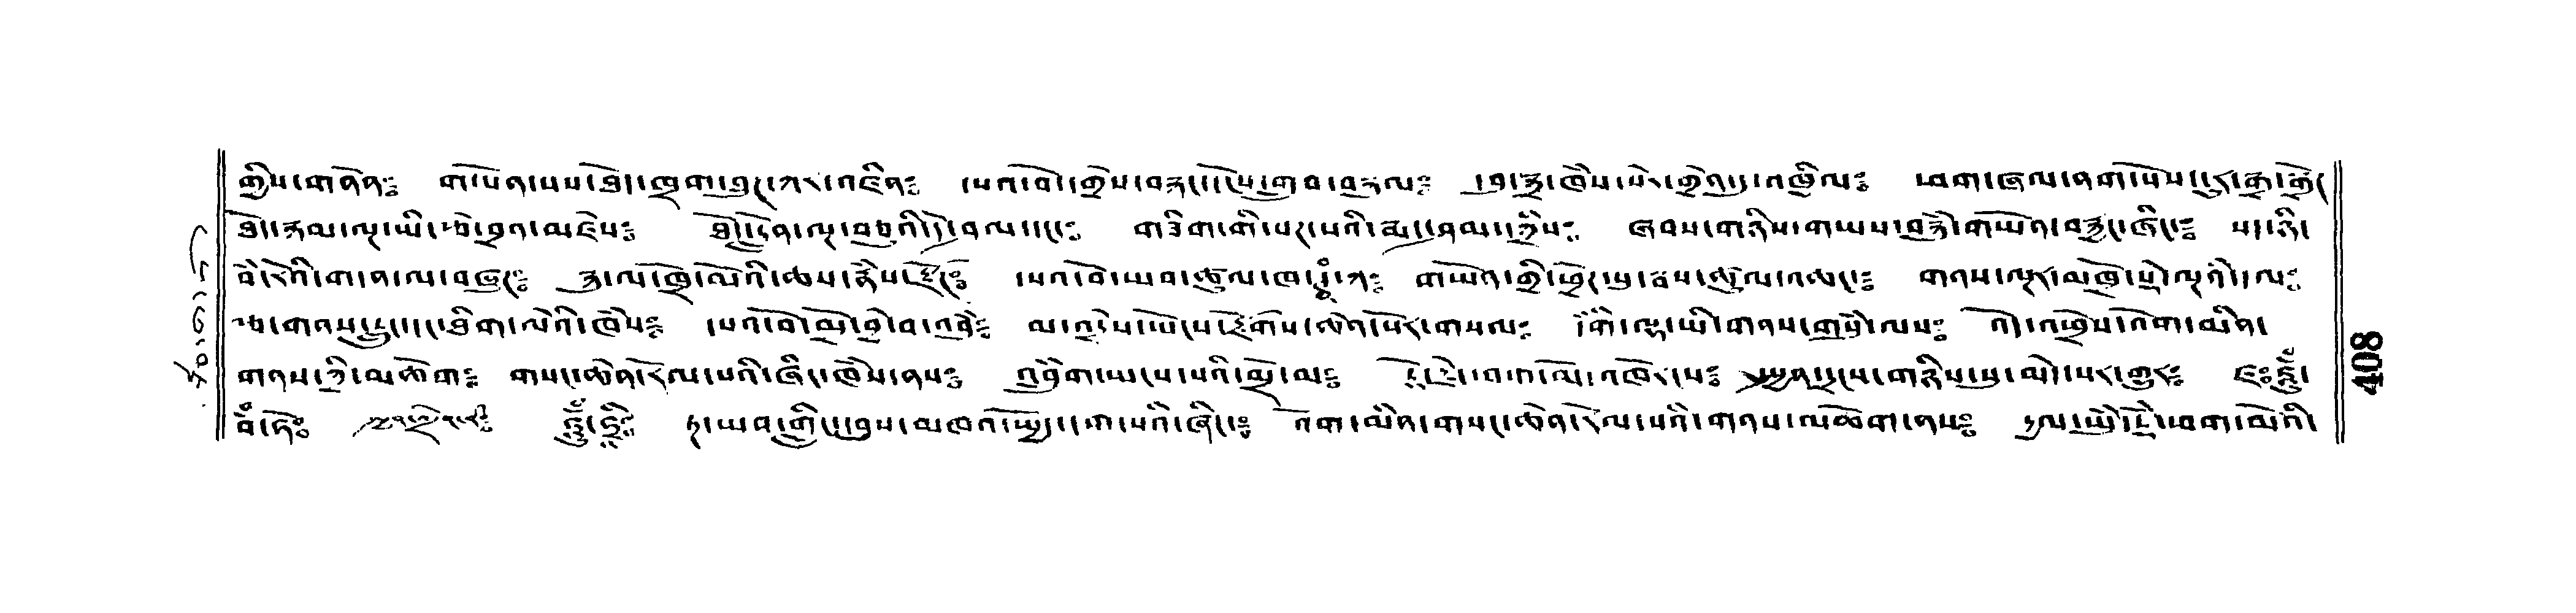གྱིས་གནོན༔ གཡོན་པས་ཐོད་ཁྲག་ཐུགས་ཀར་འཛིན༔ དཔའ་བོ་དགྱེས་བསྐང་དངོས་གྲུབ་བསྐུལ༔ དབུ་སྐྲ་ཁམས་སེར་གྱེན་དུ་འཁྱིལ༔ ཕག་ཞལ་ནག་པོས་ངུར་སྒྲ་སྒྲོག༔ 
ཐོད་སྐམ་ལྔ་ཡི་རྩེ་བྲན་མཛེས༔ ཐོད་རློན་ལྔ་བཅུའི་དོ་ཤལ་དང༔ གཟིག་གི་པགས་པའི་སྨད་ཤམ་དཀྲིས༔ ཞབས་གཉིས་གཡས་བསྐུམས་གཡོན་བརྐྱངས་ཤིང༔ པད་ཉི་
བམ་རོའི་གདན་ལ་བཞུགས༔ སྐུ་ལ་ཁྲོ་མོའི་ཆས་རྣམས་རྫོགས༔ དཔའ་བོ་ཡབ་ཚུལ་ཁ་ཊྭཾ་ཀ༔ གཡོན་གྱི་ཕྱོགས་སུ་སྦས་ཚུལ་འཆང༔ གནས་ལྔར་མཁའ་འགྲོ་སྡེ་ལྔའི་དལ༔ 
རྩ་གནས་རླུང་དང་ཐིག་ལེའི་ཁམས༔ དཔའ་བོ་མཁའ་འགྲོ་བྱེ་བ་འབུམ༔ མ་འདྲེས་ཡོངས་རྫོགས་ཆེན་པོར་གསལ༔ དམ་ཚིག་ལྷ་ཡི་གནས་གསུམ་ལས༔ འོད་འཕྲོས་འོག་མིན་
གནས་ཀྱི་མཆོག༔ གསང་ཆེན་རོལ་པའི་ཞིང་ཁམས་ནས༔ འབུམ་ཕྲག་ཡངས་པའི་མཁའ་འགྲོ་མ༔ རྡོ་རྗེ་ཕག་མོ་འཁོར་དང་བཅས༔ སྤྱན་དྲངས་གཉིས་སུ་མེད་པར་གྱུར༔ ཛཿཧཱུྃ་
བྃ་ཧོཿ སྤྱན་འདྲེན་ནི༔ ཧཱུྃ་ཧྲཱིཿ རྔ་ཡབ་གླིང་དབུས་མཁའ་སྤྱོད་དག་པའི་ཞིང༔ འོག་མིན་གསང་ཆེན་རོལ་པའི་གནས་མཆོག་ནས༔ རྒྱལ་ཡུམ་རྡོ་རྗེ་ཕག་མོའི་